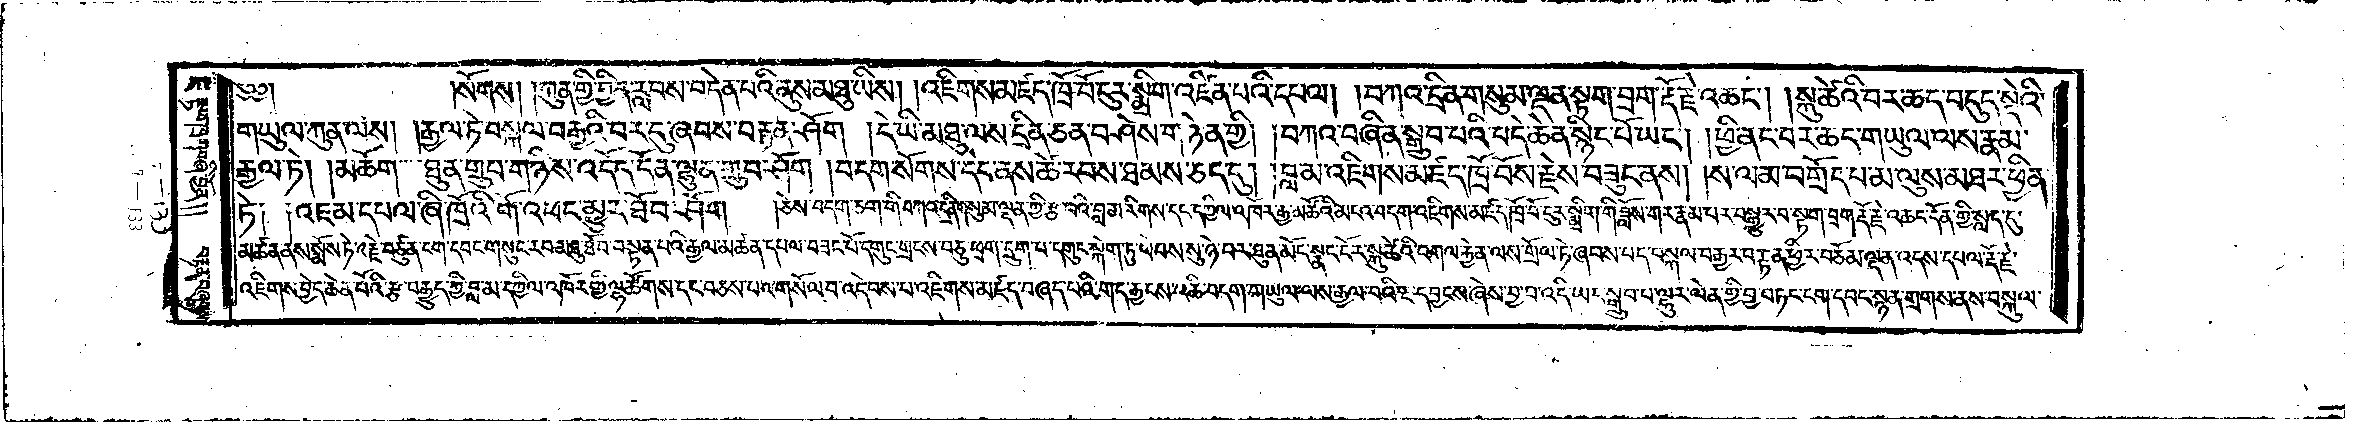༄༅། །སོགས། །ཆུན་གྱི་བྱིན་རླབས་བདེན་པའི་ནུས་མཐུ་ཡིས། །འཇིགས་མཛད་ཁོར་བོ་དུར་སྨྲིག་འཛིན་པའི་དཔལ། །བཀའ་དྲིན་གསུམ་ལྡན་སྟག་བྲག་རྡོ་རྗེ་འཆང་། །སྐུ་ཚེའི་བར་ཆད་བདུད་སྡེའི་
གཡུལ་ཀུན་ལས། །རྒྱལ་ཏེ་བསྐལ་བརྒྱའི་བར་དུ་ཞབས་བརྟན་ཤོག །དེ་ཡི་མཐུ་ལས་དྲིན་ཅན་བཤེས་གཉེན་གྱི། །བཀའ་བཞིན་སྒྲུབ་བའི་བདེ་ཆེན་སྙིང་པོ་ཡང་། །ཕྱི་ནང་བར་ཆད་གཡུལ་ལས་རྣམ་
རྒྱལ་ཏེ། །མཆོག་ཐུན་གྲུབ་གཉིས་འདོད་དོན་ལྷུན་གྲུབ་ཤོག །བདག་སོགས་དེང་ནས་ཚེ་རབས་ཐམས་ཅད་དུ། །བླ་མ་འཇིགས་མཛད་ཁྲོ་བོས་རྗེས་བཟུང་ནས། །ས་ལམ་བགྲོད་པ་མ་ལུས་མཐར་ཕྱིན་
ཏེ༑ ༑འཇམ་དཔལ་ཞི་ཁྲོའི་གོ་འཕང་མྱུར་ཐོབ་ཤོག །ཅེས་བདག་ཅག་གི་བཀའ་དྲིན་གསུམ་ལྡན་གྱི་རྩ་བའི་བླ་མ་རིགས་དང་དཀྱིལ་འཁོར་རྒྱ་མཚོའི་མངའ་བདག་འཇིགས་མཛད་ཁྲོ་བོ་དུར་སྨྲིག་གི་ཟློས་གན་རྣམ་པར་བསྒྱུར་བ་སྟག་བྲག་རྡོ་རྗེ་འཆང་དོན་གྱི་སླད་དུ་
མཚན་ནས་སྨོས་ཏེ ༧རྗེ་བཙུན་ངག་དབང་གསུང་ར་ཐ་མཐུ་ཐོབ་བསྟན་པའི་རྒྱལ་མཚན་དཔལ་བཟང་པོ་དགུང་གྲངས་བཅུ་ཕྲག་དྲུག་པ་དགུང་སྐེག་ཏུ་ཕེབས་སུ་ཉེ་བར་ཐུན་མོང་སྣང་ངོར་སྐུ་ཚེའི་འགལ་རྐྱེན་ལས་ཐོལ་ཏེ་ཞབས་པད་བསྐལ་བརྒྱར་བརྟན་ཕྱིར་བཅོམ་ལྡན་འདས་དཔལ་རྡོ་རྗེ་
འཇིགས་བྱེད་ཆེན་པོའི་རྩ་བརྒྱུད་ཀྱི་བླ་མ་དཀྱིལ་འཁོར་གྱི་ལྷ་ཚོགས་དང་བཅས་པ་ལ་གསོལ་བ་འདེབས་པ་འཇིགས་མཛད་བཞད་པའི་གད་རྒྱངས་འཆི་བདག་གཡུལ་ལས་རྒྱལ་བའི་ཇ་དབྱངས་ཞེས་བྱ་བ་འདི་ཡང་སྒྲུབ་པ་ལྷུར་ལེན་གྱི་བྱ་བཏང་ངག་དབང་སྙན་གྲགས་ནས་བསྐུལ་